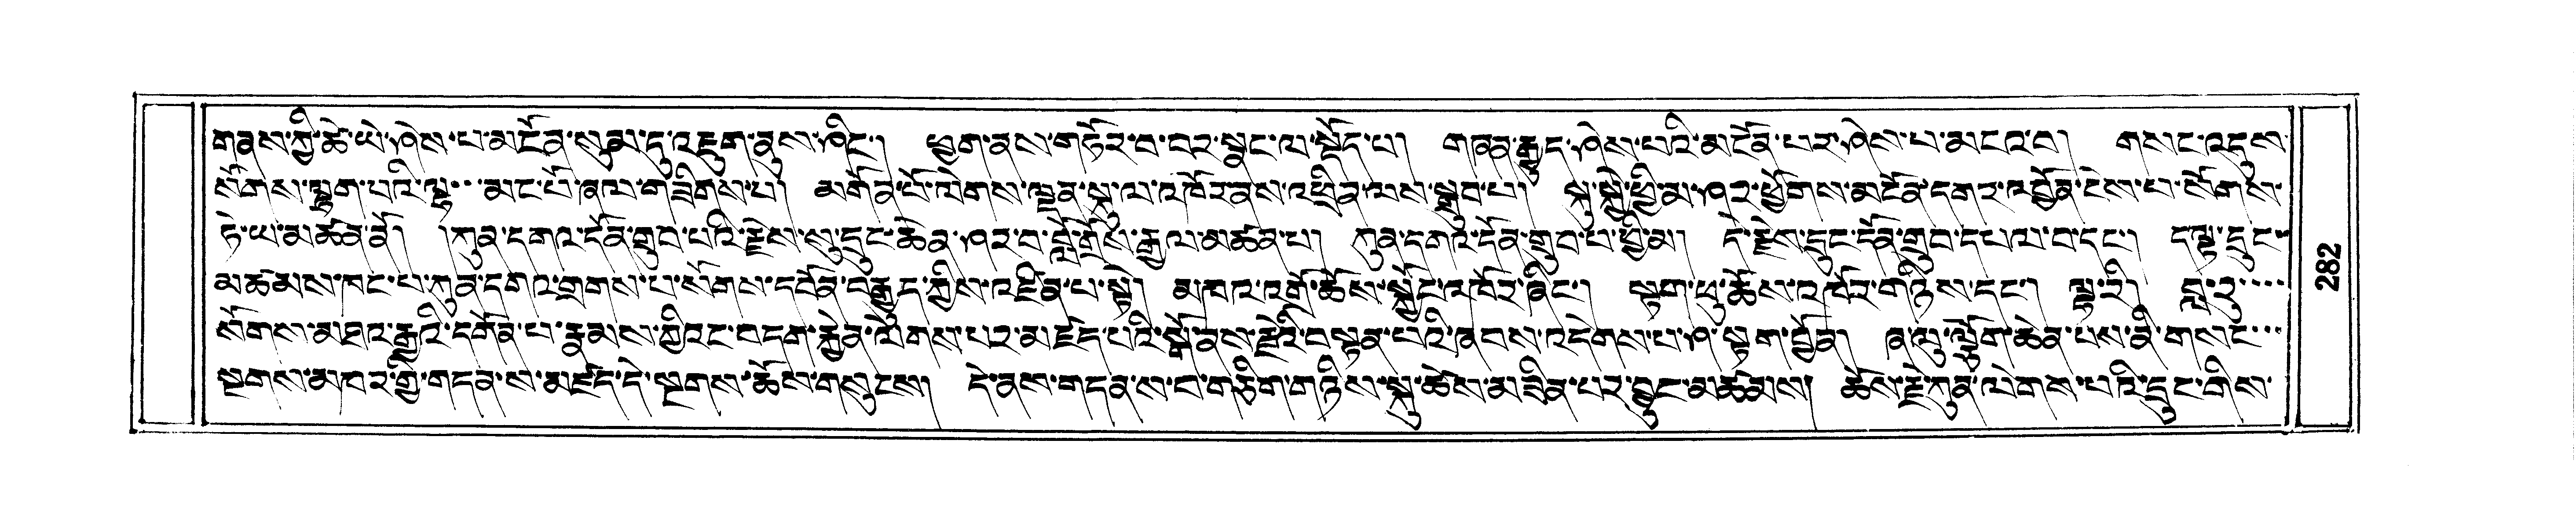གནས་ཀྱི་ཚེ་ཡེ་ཤེས་པ་མངོན་སུམ་དུ་འཇུག་ནུས་ཤིང་། ཕྱག་ནས་གཏོར་བ་བར་སྣང་ལ་སྡོད་པ། གཞན་རྒྱུད་ཤེས་པའི་མངོན་པར་ཤེས་པ་མངའ་བ། གསང་འདུས་
སོགས་ལྷག་པའི་ལྷ་མང་པོ་ཞལ་གཟིགས་པ། མགོན་པོ་ལེགས་ལྡན་སྐུ་ལ་འཁྲོ་ནས་འཕྲིན་ལས་སྒྲུབ་པ། སྐུ་སྐྱེ་ཕྱི་མ་ཤར་ཕྱོགས་མངོན་དགར་འབྱོན་ངེས་པ་སོགས་
ཏེ་ཡ་མཚན་ནོ། །ཀུན་དགའ་དོན་གྲུབ་པའི་རྗེས་སུ་དྲུང་ཆེན་ཤར་བ་བློ་གྲོས་རྒྱལ་མཚན་པ། ཀུན་དགའ་དོན་གྲུབ་པ་ཕྱི་མ། དེ་རྗེས་དྲུང་དོན་གྲུབ་དཔལ་བ་དང་། ད་ལྟ་དྲུང་
མཚམས་ཁང་པ་ཀུན་དགའ་གྲགས་པ་སོགས་དབོན་བརྒྱུད་ཀྱིས་འཛིན་པ་སྟེ། མཁའ་འགྲོ་ཆོས་སྐྱོང་འཁོར་ཞིང་། སྟག་ཕུ་ཆོས་འཁོར་གཉིས་དང་། ལྷ་རི། བླ་རུ་
སོགས་མཐའ་རྒྱའི་དགོན་པ་རྣམས་ཀྱིའང་བདག་རྐྱེན་ལེགས་པར་མཛད་པའི་སྒོ་ནས་རྗེའི་བསྟན་པའི་ཞབས་འདེགས་པ་ཤ་སྟག་བྱོན། ཞ་ལུ་ལྕོག་ཆེན་པས་ནི་གསང་
སྔགས་མཁར་གྱི་གདན་ས་མཛད་དེ་སྔགས་ཆོས་གསུངས། དེ་ནས་གདན་ས་བ་གཅིག་གཉིས་སྐུ་ཚེས་མ་ཟིན་པར་བྱུང་མཚམས། ཆོས་རྗེ་ཀུན་ལེགས་པའི་དྲུང་གིས་